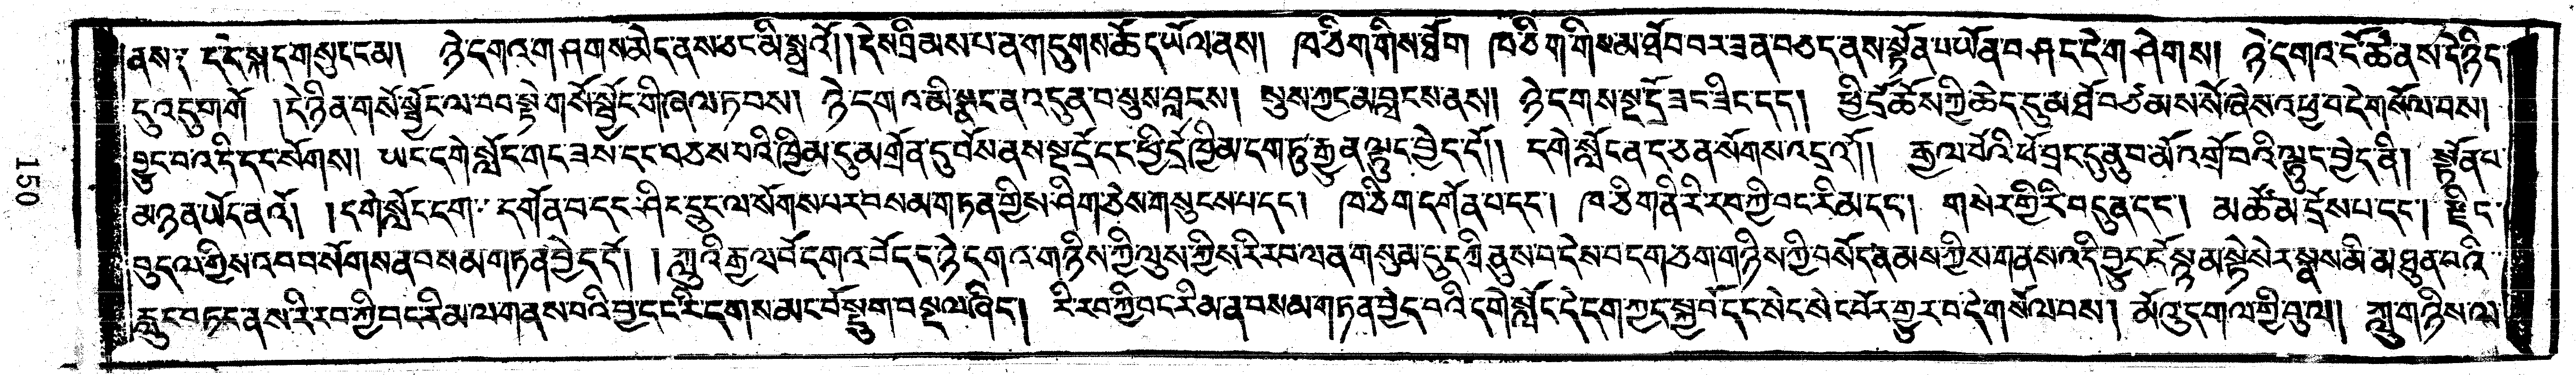ནས༑ ད་དེ་སྐད་གསུང་ངམ། ཉེ་དགའ་གཤགས་མེད་ནས་ཅང་མི་སྨྲའོ། །དེས་བྲིམས་པ་ན་གདུགས་ཆོད་ཡོལ་ནས། ཁ་ཅིག་གིས་ཐོག་ཁ་ཅིག་གིས་མ་ཐོབ་བར་ཟན་བཅད་ནས་སྟོན་པ་ཡོན་བཤད་དེ་གཤེགས། ཉེ་དགའ་ངོ་ཆེ་ནས་དེ་ཉིད་
དུ་འདུག་གོ །དེ་ཉིན་གསོ་སྦྱོང་ལ་བབ་སྟེ་གསོ་སྦྱོང་གི་ཞལ་ཏབས། ཉེ་དགའ་མི་སྣང་ན་འདུན་བ་སུས་བླངས། སུས་ཀྱང་མ་བླངས་ནས། ཉེ་དགས་སྔ་དྲོ་ཟང་ཟིང་དད། ཕྱི་དྲོ་ཆོས་ཀྱི་ཆེད་དུ་མཐོ་བཙམས་སོ་ཞེས་འཕྱ་བ་དེ་གསོལ་བས།
བྱུང་བ་འདི་དང་སོགས། ཡང་དགེ་སློང་གང་ཟས་དང་བཅས་པའི་ཁྱིམ་དུ་མགྲོན་དུ་བོས་ནས་སྔ་དྲོ་དང་ཕྱི་དྲོ་ཁྱིམ་དག་ཏུ་རྒྱུན་ལྟུང་བྱེད་དོ།། དགེ་སློང་ནད་ཅན་སོགས་འདྲ་འོ།། རྒྱལ་བོའི་ཕོ་བྲང་དུ་ནུབ་མོ་འགྲོ་བའི་ལྟུང་བྱེད་ནི། སྟོན་པ་
མཉན་ཡོད་ནའོ། །དགེ་སློང་དག༑ དགོན་བ་དང་ཤིང་དྲུང་ལ་སོགས་པར་བསམ་གཏན་གྱིས་ཤིག་ཅེས་གསུངས་པ་དང་། ཁ་ཅིག་དགོན་པ་དང་། ཁ་ཅིག་ནི་རི་རབ་ཀྱི་བང་རིམ་དང་། གསེར་གྱི་རི་བདུན་དང་། མཚོ་མ་དྲོས་པ་དང་། རྫིང་
བུད་ལ་གྱིས་འབབ་སོགས་ན་བསམ་གཏན་བྱེད་དོ། །ཀླུའི་རྒྱལ་བོ་དགའ་བོད་ད་ཉེ་དགའ་གཉིས་ཀྱི་ལུས་ཀྱིས་རི་རབ་ལན་གསུམ་དུ་དཀྲི་ནུས་བ་དེས་བདག་ཅག་གཉིས་ཀྱི་བསོད་ནམས་ཀྱིས་གནས་འདི་བྱུང་ངོ་སྙམ་སྟེ་སེར་སྣས་མི་མཐུན་པའི་
རླུང་བཏང་ནས་རི་རབ་ཀྱི་བང་རིམ་ལ་གནས་བའི་བྱ་དང་རི་དགས་མང་བོ་སྡུག་བསྔལ་ཞིང་། རི་རབ་ཀྱི་བང་རིམ་ན་བསམ་གཏན་བྱེད་བའི་དགེ་སློང་དེ་དག་ཀྱང་སྐྱ་བོ་དང་སེང་སེང་བོར་གྱུར་བ་དེ་གསོལ་བས། མོའུ་དགལ་གྱི་བུ་ལ། ཀླུ་གཉིས་ལ་